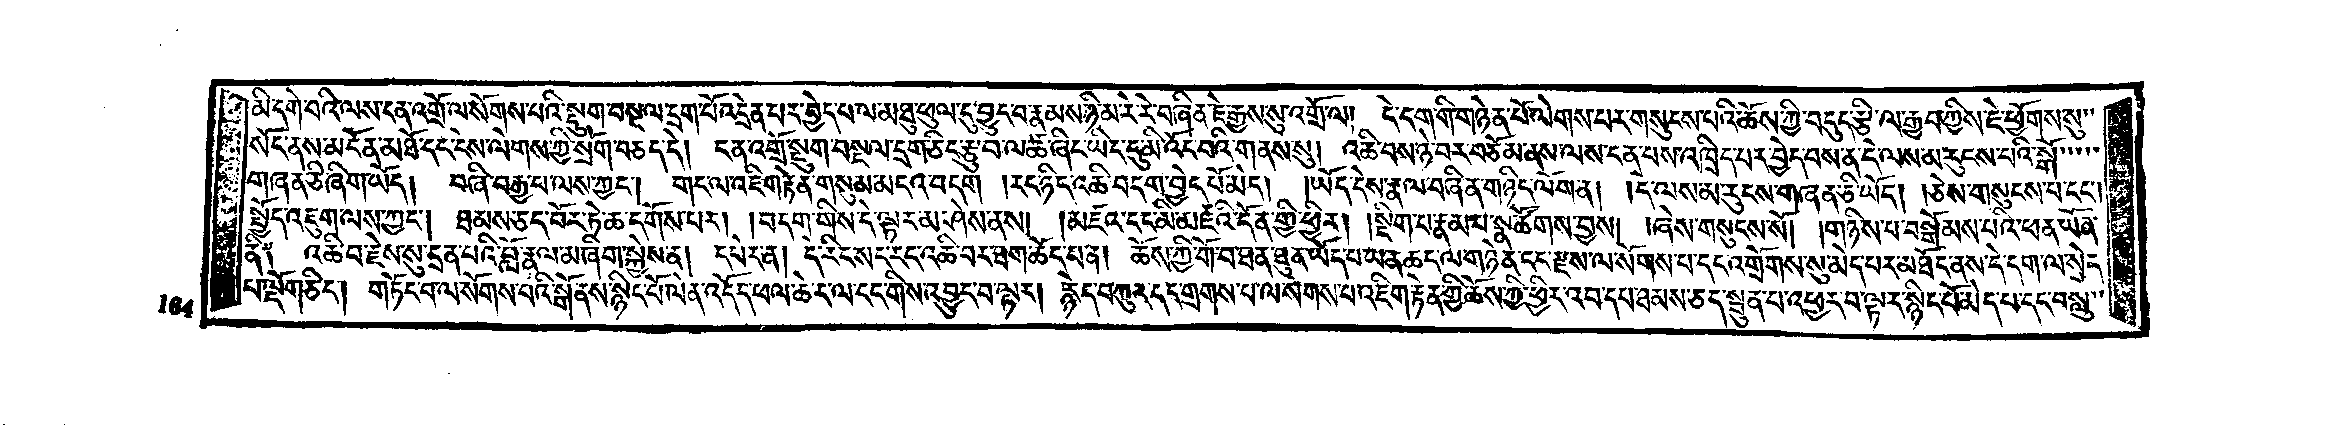མི་དགེ་བའི་ལས་ངན་འགྲོ་ལ་སོགས་པའི་སྡུག་བསྔལ་དྲག་པོ་འདྲེན་པར་བྱེད་པ་ལ་མཐུ་ཕུལ་དུ་བྱུང་བ་རྣམས་ཉི་མ་རེ་རེ་བཞིན་ཇེ་རྒྱས་སུ་འགྲོ་ལ། དེ་དག་གི་གཉེན་པོ་ལེགས་པར་གསུངས་པའི་ཆོས་ཀྱི་བདུད་རྩི་ལ་རྒྱབ་ཀྱིས་ཇེ་ཕྱོགས་སུ་སོང་ནས་མངོན་མཐོ་དང་ངེས་ལེགས་ཀྱི་སྲོག་བཅད་དེ། ངན་འགྲོ་སྡུག་བསྔལ་དྲག་ཅིང་རྩུབ་ལ་ཚ་ཞིང་ཡིད་དུ་མི་འོང་བའི་གནས་སུ། འཆི་བས་ཉེ་བར་བཅོམ་ནས་ལས་ངན་པས་འཁྲིད་པར་བྱེད་པས་ན་དེ་ལས་མ་རུངས་པའི་སྒོ་གཞན་ཅི་ཞིག་ཡོད།
༆༆༆
བཞི་བརྒྱ་པ་ལས་ཀྱང་། གང་ལ་འཇིག་རྟེན་གསུམ་མངའ་བདག །རང་ཉིད་འཆི་བདག་བྱེད་པོ་མེད། །ཡོད་དེས་རྣལ་བཞིན་གཉིད་ལོག་ན། །དེ་ལས་མ་རུངས་གཞན་ཅི་ཡོད། །ཅེས་གསུངས་པ་དང་། སྤྱོད་འཇུག་ལས་ཀྱང་། ཐམས་ཅད་བོར་ཏེ་ཆ་དགོས་པར། །བདག་གིས་དེ་ལྟར་མ་ཤེས་ནས། །མཛའ་དང་མི་མཛའི་དོན་གྱི་ཕྱིར། །སྡིག་པ་རྣམ་པ་སྣ་ཚོགས་བྱས། །ཞེས་གསུངས་སོ།
༆༆༆
།གཉིས་པ་བསྒོམས་པའི་ཕན་ཡོན་ནི༑ འཆི་བ་རྗེས་སུ་དྲན་པའི་བློ་རྣལ་མ་ཞིག་སྐྱེས་ན། དཔེར་ན། དེ་རིང་སང་རང་འཆི་བར་ཐག་ཆོད་པ་ན། ཆོས་ཀྱི་གོ་བ་ཐན་ཐུན་ཡོད་པ་ཡན་ཆད་ལ་གཉེན་དང་རྫས་ལ་སོགས་པ་དང་འགྲོགས་སུ་མེད་པར་མཐོང་ནས་དེ་དག་ལ་སྲེད་པ་ལྡོག་ཅིང་། གཏོང་བ་ལ་སོགས་པའི་སྒོ་ནས་སྙིང་པོ་ལེན་འདོད་ཕལ་ཆེར་ལ་དང་གིས་འབྱུང་བ་ལྟར། རྙེད་བཀུར་དང་གྲགས་པ་ལ་སོགས་པ་འཇིག་རྟེན་གྱི་ཆོས་ཀྱི་ཕྱིར་འབད་པ་ཐམས་ཅད་སྦུན་པ་འཕྱར་བ་ལྟར་སྙིང་པོ་མེད་པ་དང་བསླུ་